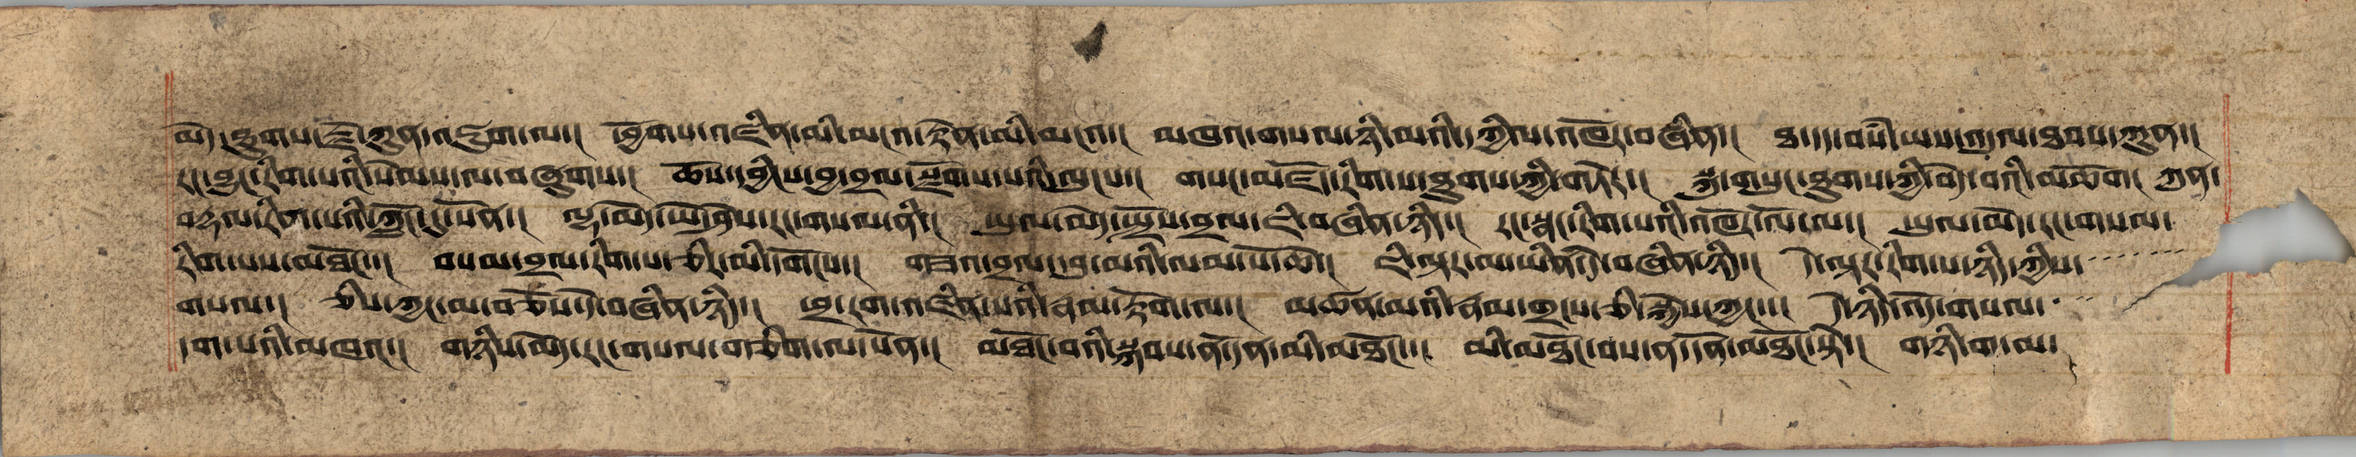མེད་ཐུགས་རྗེ་ཀུན་འཇུག་ལ་། ཕྱོགས་འཛིན་མི་མངའ་རྟེན་མི་མངའ་། མཁའ་གསལ་ཉི་མའི་དཀྱིལ་འཁོར་བཞིན་། ཐ་དད་བསཾ་ཡས་འདུལ་ཐབས་ཀུན་།
རང་བྱུང་རིག་པའི་སེམས་ལ་བཞུགས་། ཆོས་དབྱིངས་བྱ་བྲལ་སྫོགས་པའི་ལུངས་། གསང་མཛོད་རིག་པ་ཐུགས་ཀྱི་གཏེར་། སྐུ་གསུང་ཐུགས་ཀྱི་བདེ་བའི་མཆོག། ཀུན་
བརྡལ་རིག་པའི་ཀློང་དུ་སོན་། ལྷ་མེད་ཡེ་ཤེས་རང་གསལ་ནི་། རྒྱུས་མེད་སྤྲོས་བྲལ་ཇི་བཞིན་ཉིད་། རང་སྣང་རིག་པའི་འཁོར་ལོ་ལ་། ཡུལ་མེད་རང་གསལ་
རིག་པས་མཐོང་་། བསམ་བྲལ་རིག་པ་ཅིར་མི་དགོངས་། གཟའ་བྲལ་དབུ་མའི་ལམ་པོ་ཆེ་། ཇི་ལྟར་མ་ཡིན་དེ་བཞིན་ཉིད་། དེ་ལྟར་རིག་པ་ཉིད་ཀྱིས་
གསལ་། ཅིས་ཀྱང་མ་བཅོས་དེ་བཞིན་ཉིད་། ཕྲ་རག་འཛིན་པའི་རྣམ་རྟོག་ལ་། མཚན་མའི་རྣམ་གྲངས་ཅི་སྐྱེས་ཀྱང་་། དེ་ཉིད་འོད་གསལ་
དག་པའི་མཁའ་། གཉིས་མེད་རང་གསལ་གཅིག་ལ་སོན་། མཐོ་བའི་སྐབས་ན་དོན་མི་མཐོང་། མི་མཐོང་བས་ན་དོན་མཐོང་སྟེ་། གཉི་ག་མ་